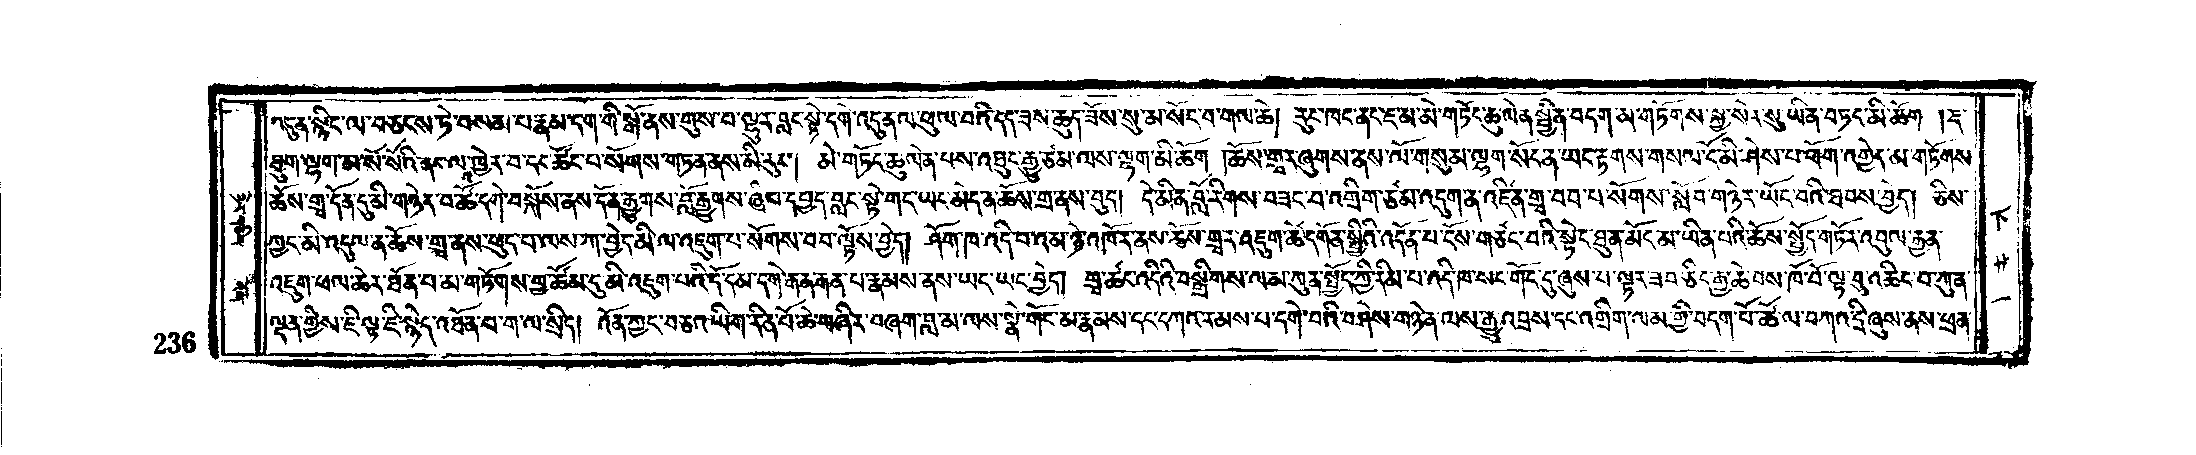འདུན་སྙིང་ལ་བཅངས་ཏེ་བསམ་པ་རྣམ་དག་གི་སྒོ་ནས་གུས་པ་ལྷུར་བླང་སྟེ་དགེ་འདུན་ལ་ཕུལ་བའི་དད་ཟས་ཆུད་ཟོས་སུ་མ་སོང་བ་གལ་ཆེ། རུང་ཁང་ནང་ཇ་མ་མེ་གཏོང་ཆུ་ལེན་སྦྱིན་བདག་མ་གཏོགས་སྐྱ་སེར་སུ་ཡིན་བཏང་མི་ཆོག །ཇ་
ཐུག་ལྷག་མ་སོ་སོའི་ནང་ལ་འཁྱེར་བ་དང་ཚོང་པ་སོགས་གཏན་ནས་མི་རུང་། མེ་གཏོང་ཆུ་ལེན་པས་འཐུང་རྒྱུ་ཙམ་ལས་ལྷག་མི་ཆོག །ཆོས་གྲྭར་ཞུགས་ནས་ལོ་གསུམ་ལྷག་སོང་ན་ཡང་རྟགས་གསལ་ངོ་མི་ཤེས་པ་ཕོག་འགྱེད་མ་གཏོགས་
ཆོས་གྲྭ་དོན་དུ་མི་གཉེར་བ་ཚོ་དགེ་བསྐོས་ནས་དོན་རྒྱུགས་བློ་རྒྱུགས་ཞིབ་དཔྱད་བླང་སྟེ་གང་ཡང་མེད་ན་ཆོས་གྲ་ནས་བུད། དེ་མིན་བློ་རིགས་བཟང་བ་འགྲིག་ཙམ་འདུག་ན་འཛིན་གྲྭ་བབ་པ་སོགས་སློབ་གཉེར་ཡོང་བའི་ཐབས་བྱེད། ཅིས་
ཀྱང་མི་འདུལ་ན་ཆོས་གྲྭ་ནས་ཕུད་པ་ལས་ཀ་བྱེད་མི་ལ་འཇུག་པ་སོགས་བབ་ལྟོས་བྱེད། ཤོག་ཁ་འདི་བ་འམ་ཉེ་འཁོར་ནས་ཆོས་གྲྭར་འཇུག་ཚེ་དགོན་སྤྱིའི་འདོན་པ་ངོས་གཙང་བའི་སྟེང་ཐུན་མོང་མ་ཡིན་པའི་ཆོས་སྤྱོད་གཏོར་འབུལ་རྒྱན་
འཇུག་ཕལ་ཆེར་ཐོན་པ་མ་གཏོགས་གྱ་ཚོམ་དུ་མི་འཇུག་པའི་དོ་དམ་དགེ་རྒན་རྒན་པ་རྣམས་ནས་ཡང་ཡང་བྱེད། གྲྭ་ཚང་འདིའི་བསྒྲིགས་ལམ་ཀུན་སྤྱོད་ཀྱི་རིམ་པ་འདི་ཁ་སང་གོང་དུ་ཞུས་པ་ལྟར་ཟབ་ཅིང་རྒྱ་ཆེ་བས་ཁོ་བོ་ལྟ་བུ་འཆིང་བ་ཀུན་
ལྡན་གྱིས་ཇི་ལྟ་ཇི་སྙེད་འཐོན་པ་ག་ལ་སྲིད། འོན་ཀྱང་བཅའ་ཡིག་རིན་པོ་ཆེ་གཞིར་བཞག་བླ་མ་ལས་སྣེ་གོང་མ་རྣམས་དང་དཀའ་རམས་པ་དགེ་བའི་བཤེས་གཉེན་ལས་རྒྱུ་འབྲས་དང་འགྲིག་ལམ་གྱི་བདག་པོ་ཚོ་ལ་བཀའ་དྲི་ཞུས་ནས་ཕྲན་